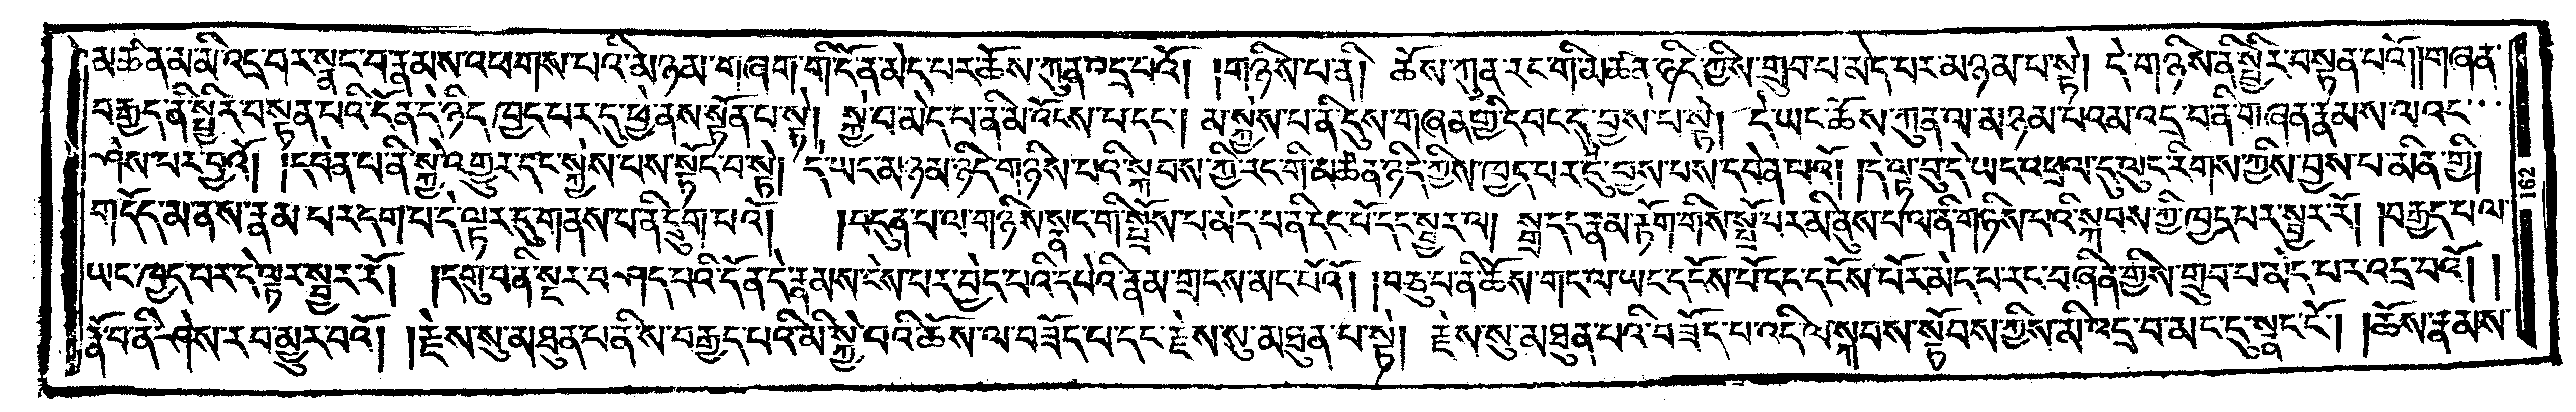མཚན་མ་མི་འདྲ་བར་སྣང་བ་རྣམས་འཕགས་པའི་མཉམ་གཞག་གི་དོན་མེད་པར་ཆོས་ཀུན་འདྲ་བའོ། །གཉིས་པ་ནི། ཆོས་ཀུན་རང་གི་མཚན་ཉིད་ཀྱིས་གྲུབ་པ་མེད་པར་མཉམ་པ་སྟེ། དེ་གཉིས་ནི་སྤྱིར་བསྟན་པའོ། །གཞན་
བརྒྱད་ནི་སྤྱིར་བསྟན་པའི་དོན་དེ་ཉིད་ཁྱད་པར་དུ་ཕྱེ་ནས་སྟོན་པ་སྟེ། སྐྱེ་བ་མེད་པ་ནི་མ་འོངས་པ་དང་། མ་སྐྱེས་པ་ནི་དུས་གཞན་གྱི་དབང་དུ་བྱས་པ་སྟེ། དེ་ཡང་ཆོས་ཀུན་ལ་མཉམ་པའམ་འདྲ་བ་ནི་གཞན་རྣམས་ལའང་
ཤེས་པར་བྱའོ། །དབེན་པ་ནི་སྐྱེ་འགྱུར་དང་སྐྱེས་པས་སྟོང་བ་སྟེ། དེ་ཡང་མཉམ་ཉིད་གཉིས་པའི་སྐབས་ཀྱི་རང་གི་མཚན་ཉིད་ཀྱིས་ཁྱད་པར་དུ་བྱས་པས་དབེན་པའོ། །དེ་ལྟ་བུ་དེ་ཡང་འཕྲལ་དུ་ལུང་རིགས་ཀྱིས་བྱས་པ་མིན་གྱི།
གདོད་མ་ནས་རྣམ་པར་དག་པ་དེ་ལྟར་དུ་གནས་པ་ནི་དྲུག་པའོ། །བདུན་པ་ལ་གཉིས་སྣང་གི་སྤྲོས་པ་མེད་པ་ནི་དང་པོ་དང་སྦྱར་ལ། སྒྲ་དང་རྣམ་རྟོག་གིས་སྤྲོ་བར་མི་ནུས་པ་ལ་ནི་གཉིས་པའི་སྐབས་ཀྱི་ཁྱད་པར་སྦྱར་རོ། །བརྒྱད་པ་ལ་
ཡང་ཁྱད་པར་དེ་ལྟར་སྦྱར་རོ། །དགུ་པ་ནི་སྔར་བཤད་པའི་དོན་དེ་རྣམས་ངེས་པར་བྱེད་པའི་དཔེའི་རྣམ་གྲངས་མང་པོའོ། །བཅུ་པ་ནི་ཆོས་གང་ལ་ཡང་དངོས་པོ་དང་དངོས་པོར་མེད་པ་རང་བཞིན་གྱིས་གྲུབ་པ་མེད་པར་འདྲ་བའོ།།
རྣོ་བ་ནི་ཤེས་རང་མྱུར་བའོ། །རྗེས་སུ་མཐུན་པ་ནི་ས་བརྒྱད་པའི་མི་སྐྱེ་བའི་ཆོས་ལ་བཟོད་པ་དང་རྗེས་སུ་མཐུན་པ་སྟེ། རྗེས་སུ་མཐུན་པའི་བཟོད་པ་འདི་ལ་སྐབས་སྟོབས་ཀྱིས་མི་འདྲ་བ་མང་དུ་སྣང་ངོ། །ཆོས་རྣམས་